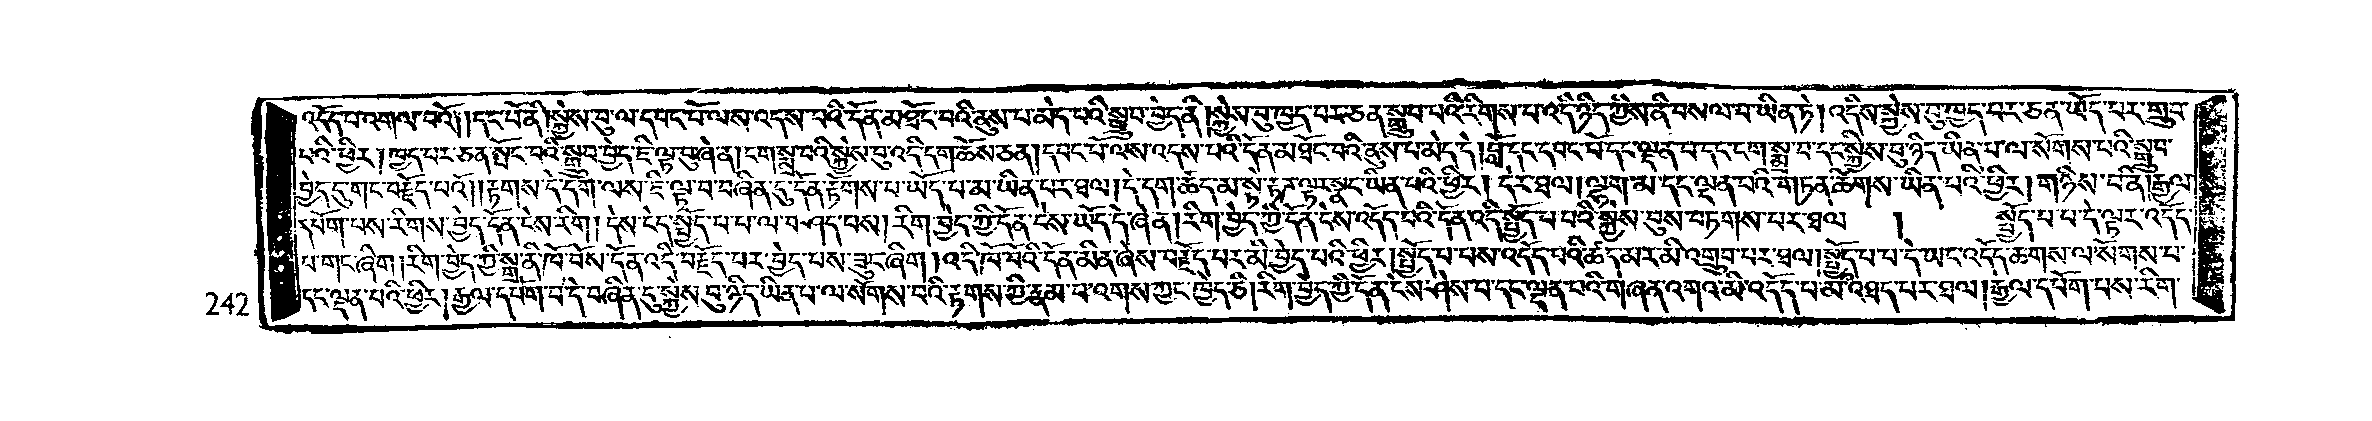འདོད་པ་འགལ་བའོ། །དང་པོ་ནི། སྐྱེས་བུ་ལ་དབང་པོ་ལས་འདས་པའི་དོན་མཐོང་བའི་ནུས་པ་མེད་པའི་སྒྲུབ་བྱེད་ནི། སྐྱེས་བུ་ཁྱད་པར་ཅན་སྒྲུབ་པའི་རིགས་པ་འདི་ཉིད་ཀྱིས་ནི་བསལ་བ་ཡིན་ཏེ། འདིས་སྐྱེས་བུ་ཁྱད་པར་ཅན་ཡོད་པར་གྲུབ་
པའི་ཕྱིར། ཁྱད་པར་ཅན་སྤོང་བའི་སྒྲུབ་བྱེད་ཇི་ལྟ་བུ་ཞེ་ན། ངག་སྨྲ་བའི་སྐྱེས་བུ་འདི་དག་ཆོས་ཅན། དབང་པོ་ལས་འདས་པའི་དོན་མཐོང་བའི་ནུས་པ་མེད་དེ། བློ་དང་དབང་པོ་དང་ལྡན་པ་དང་ངག་སྨྲ་བ་དང་སྐྱེས་བུ་ཉིད་ཡིན་པ་ལ་སོགས་པའི་སྒྲུབ་
བྱེད་དུ་གང་བརྗོད་པའོ། །རྟགས་དེ་དག་ལས་ཇི་ལྟ་བ་བཞིན་དུ་དོན་རྟོགས་པ་ཡོད་པ་མ་ཡིན་པར་ཐལ། དེ་དག་ཚད་མ་སྟེ་རྟཌ་ལྟར་སྣང་ཡིན་པའི་ཕྱིར། དེར་ཐལ། ལྷག་མ་དང་ལྡན་པའི་གཏན་ཚིགས་ཡིན་པའི་ཕྱིར། གཉིས་པ་ནི། རྒྱལ་
དཔོག་པས་རིགས་བྱེད་དོན་ངེས་རིག ། དེས་ངེད་སྤྱོད་པ་པ་ལ་བཤད་པས། རིག་བྱེད་ཀྱི་དོན་ངེས་ཡོད་དེ་ཞེ་ན། རིག་བྱེད་ཀྱི་དོན་དེས་འདོད་པའི་དོན་འདི་སྤྱོད་པ་བའི་སྐྱེས་བུས་བཏགས་པར་ཐལ་། སྤྱོད་པ་པ་དེ་ལྟར་འདོད་
པ་གང་ཞིག །རིག་བྱེད་ཀྱི་སྒྲ་ནི་ཁོ་བོས་དོན་འདི་བརྗོད་པར་བྱེད་པས་ཟུང་ཞིག །འདི་ཁོ་བོའི་དོན་མིན་ཞེས་བརྗོད་པར་མི་བྱེད་པའི་ཕྱིར། སྤྱོད་པ་པས་འདོད་པའི་ཚད་མར་མི་འགྲུབ་པར་ཐལ། སྤྱོད་པ་པ་དེ་ཡང་འདོད་ཆགས་ལ་སོགས་པ་
དང་ལྡན་པའི་ཕྱིར། རྒྱལ་དཔོག་པ་དེ་བཞིན་དུ་སྐྱེས་བུ་ཉིད་ཡིན་པ་ལ་སོགས་པའི་རྟགས་ཀྱི་རྣམ་པ་འགས་ཀྱང་ཁྱེད་ཅི། རིག་བྱེད་ཀྱི་དོན་ངེས་ཤེས་པ་དང་ལྡན་པའི་གཞན་འགའ་མི་འདོད་པ་མི་འཐད་པར་ཐལ། རྒྱལ་དཔོག་པས་རིག་